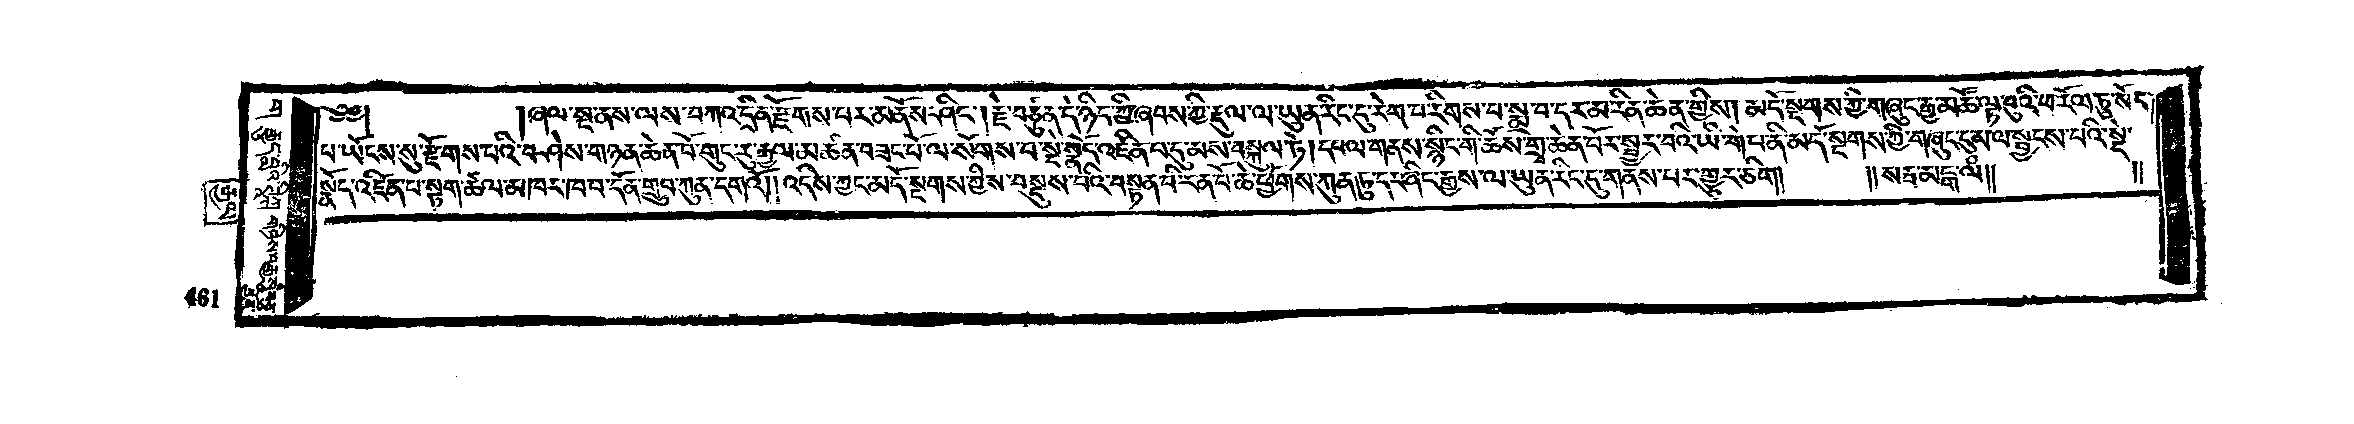༄༅། །ཞལ་སྔ་ནས་ལས་བཀའ་དྲིན་རྫོགས་པར་མནོས་ཤིང་། རྗེ་བཙུན་དེ་ཉིད་ཀྱི་ཞབས་ཀྱི་རྡུལ་ལ་ཡུན་རིང་དུ་རེག་པ་རིགས་པ་སྨྲ་བ་དར་མ་རིན་ཆེན་གྱིས། མདོ་སྔགས་ཀྱི་གཞུང་རྒྱ་མཚོ་ལྟ་བུའི་ཕ་རོལ་ཏུ་སོང་།
པ་ཡོངས་སུ་རྫོགས་པའི་བཤེས་གཉེན་ཆེན་པོ་གུང་རུ་རྒྱལ་མཚན་བཟང་པོ་ལ་སོགས་པ་སྡེ་སྣོད་འཛིན་པ་དུ་མས་བསྐུལ་ཏེ། དཔལ་གནས་སྙིང་གི་ཆོས་གྲྭ་ཆེན་པོར་སྦྱར་བའི་ཡི་གེ་པ་ནི་མདོ་སྔགས་ཀྱི་གཟུང་དུ་མ་ལ་སྦྱངས་པའི་སྡེ་
སྣོད་འཛིན་པ་སྟག་ཚལ་མཁར་ཁབ་དོན་གྲུབ་ཀུན་དགའོ། །འདི་ཀྱང་མདོ་སྔགས་ཀྱིས་བསྡུས་པའི་བསྟན་པ་རིན་པོ་ཆེ་ཕྱོགས་ཀུན་ཏུ་དར་ཞིང་རྒྱས་ལ་ཡུན་རིང་དུ་གནས་པར་གྱུར་ཅིག ། །།སརབ་མངག་ལམ།། །།